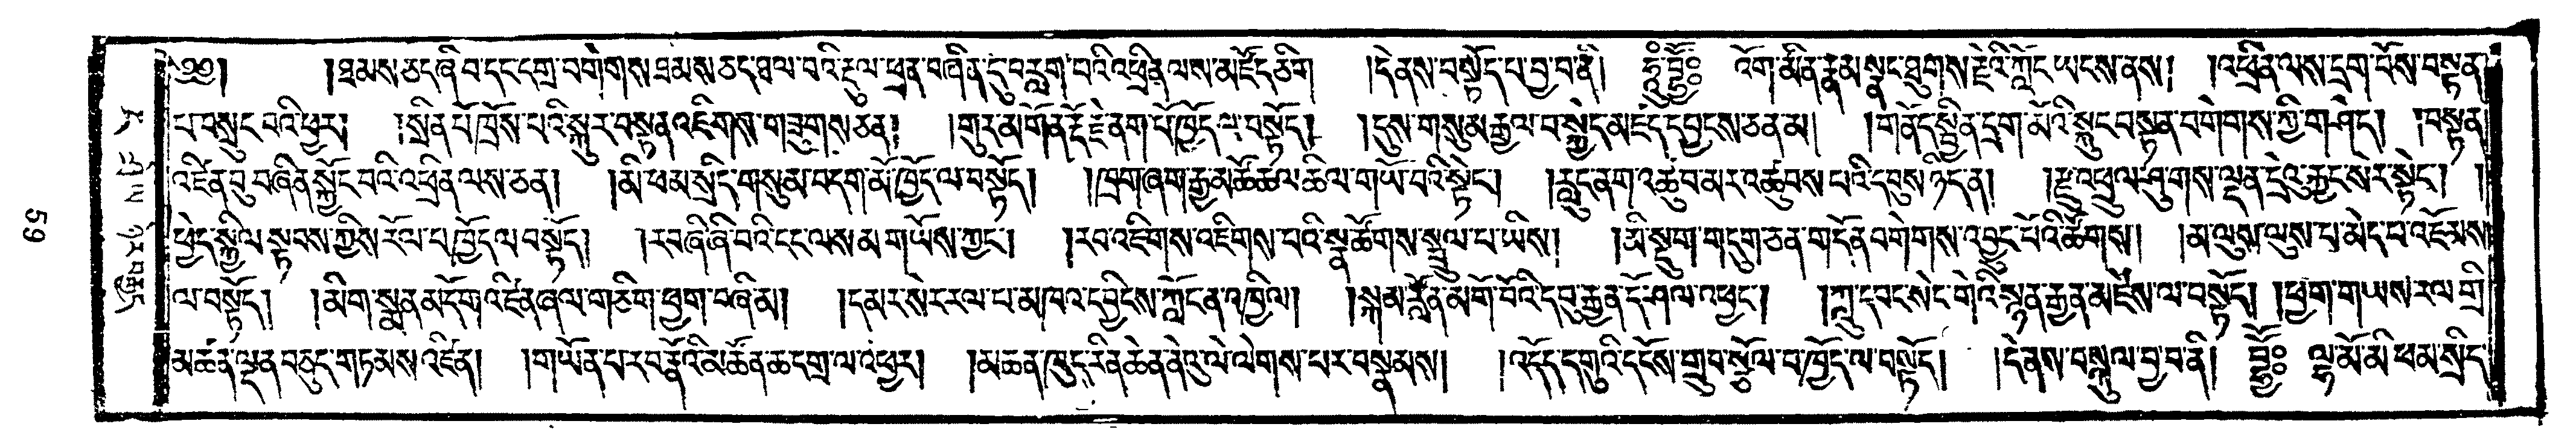༄༅། །ཐམས་ཅད་ཞི་བ་དང་དགྲ་བགེགས་ཐམས་ཅད་ཐལ་བའི་རྡུལ་ཕྲན་བཞིན་དུ་བརླག་པའི་འཕྲིན་ལས་མཛོད་ཅིག །དེ་ནས་བསྟོད་པ་བྱ་བ་ནི། ཧཱུཾ་བྷྱཽཿ འོག་མིན་རྣམ་སྣང་ཐུགས་རྗེའི་ཀློང་ཡངས་ནས། །འཕྲིན་ལས་དྲག་པོས་བསྟན་
པ་བསྲུང་བའི་ཕྱར། །སྲིན་པོ་ཁྲོས་པའི་སྐུར་བསྟན་འཇིགས་གཟུགས་ཅན། །གུར་མགོན་རྡོ་རྗེ་ནག་པོ་ཁྱོད་ལ་བསྟོད། །དུས་གསུམ་རྒྱལ་བ་སྐྱེད་མཛད་དབྱངས་ཅན་མ། །གནོད་སྦྱིན་དྲག་མོའི་སྐུང་བསྟན་བགེགས་ཀྱི་གཤེད། །བསྟན་
འཛིན་བུ་བཞིན་སྐྱོང་བའི་འཕྲིན་ལས་ཅན། །མི་ཕམ་སྲིད་གསུམ་བདག་མོ་ཁྱོད་ལ་བསྟོད། །ཁྲག་ཞག་རྒྱ་མཚོ་ཆལ་ཆིལ་གཡོ་བའི་སྟེང་། །རླུང་ནག་འཚུབ་མར་འཚུབས་པའི་དབུས་ཉིད་ན། །རྫུ་འཕྲུལ་ཤུ་གས་ལྡན་དྲེའུ་རྐྱང་སེར་སྟེང་། །
ཕྱེད་སྐྱིལ་སྟབས་ཀྱིས་རོལ་པ་ཁྱོད་ལ་བསྟོད། །རབ་ཞི་ཞི་བའི་ངག་ལས་མ་གཡོས་ཀྱང་། །རབ་འཇིགས་འཇིགས་པའི་སྣ་ཚོགས་སྤྲུལ་པ་ཡིས། །མི་སྡུག་གདུག་ཅན་གདོན་བགེགས་འབྱུང་པོའི་ཚོགས། །མ་ལུས་ལུས་པ་མེད་པ་འཇོམས།
ལ་བསྟོད། །མིག་སྨན་མདོག་འཛིན་ཞལ་གཅིག་ཕྱག་བཞི་མ། །དམར་སེར་རལ་པ་མཁའ་དབྱིངས་ཀློང་ན་འཁྱིལ། །སྐམ་རློན་མགོ་བོའི་དབུ་རྒྱན་དོ་ཤལ་འཕྱང་། །ཀླུ་དབང་སེང་གེའི་སྙན་རྒྱན་མཛེས་ལ་བསྟོད། །ཕྱག་གཡས་རལ་གྲི་
མཚན་ལྡན་བཅུད་གཏམས་འཛིན། །གཡོན་པར་བརྣོའི་མཚོན་ཆ་དགྲ་ལ་འཕྱར། །མཆན་ཁུང་རིན་ཆེན་ནེའུ་ལེ་ལེགས་པར་བསྣམས། །འདོད་དགུའི་དངོས་གྲུབ་སྩོལ་བ་ཁྱོད་ལ་བསྟོད། །དེ་ནས་བསྐུལ་བྱ་བ་ནི། བྷྱཽཿ ལྷ་མོ་མི་ཕམ་སྲིད་